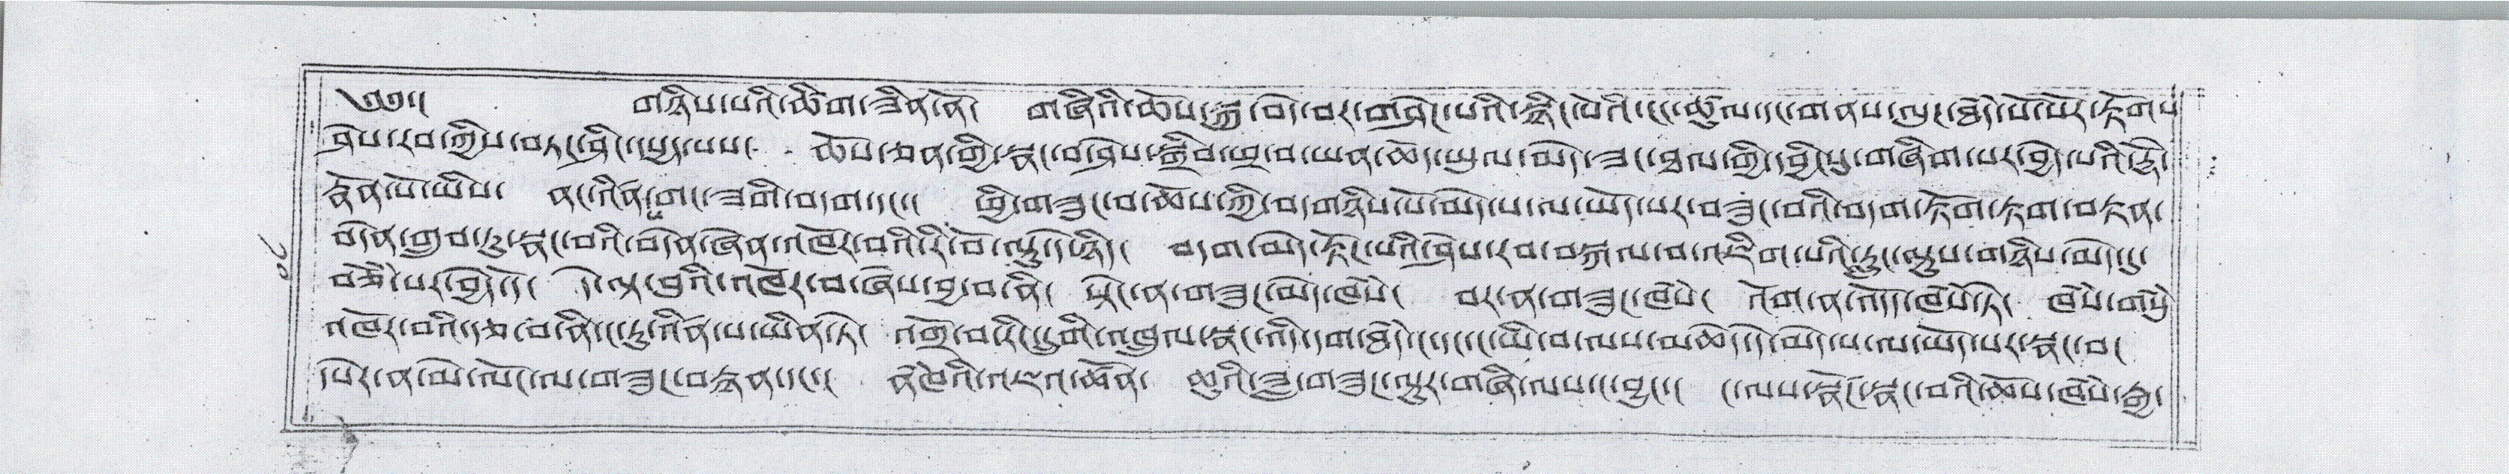གཉིས་པའི་ཚིག་ཟིན་ནོ། གཞིའི་ཆོས་སྐུ་བདེ་བར་གཤེགས་པའི་སྙིང་པོའི་ངང་ཚུལ་དང་གནས་ལུགས་ཐམས་ཅད་སོ་སོར་རྟོགས་པའི་
ཤེས་རབ་ཀྱིས་བརྟགས་ཤིང་དཔྱད་པས། ཆོས་ཅན་གྱི་སྣང་བ་ཤེས་སྒྲིབ་ཕྲ་བ་ཡན་ཆོད་ཡུལ་མེད་ཟང་ཐལ་གྱི་དབྱིངས་སུ་གཞིག་པར་བྱེད་པའི་རྡོ་རྗེ་
རྣོན་པོ་ཡིས། ནང་འཛིན་པ་གང་ཟག་གི་བདག་དང་། ཕྱི་གཟུང་བ་ཆོས་ཀྱི་བདག་གཉིས་པོ་མེད་པ་ལ་ཡོད་པར་གཟུང་བའི་བདག་རྟོག་བཏགས་བརྟན་
བདེན་གྲུབ་ཏུ་སྣང་བའི་བདེན་ཞེན་འཁོར་བའི་རི་བོ་ལྟ་བུ་དེ་ཉིད། བདག་མེད་རྟོགས་པའི་ཤེས་རབ་བསྐལ་པ་འཇིགས་པའི་རླུང་ལྟ་བུས་གཉིས་མེད་དུ་
བཅོམ་པར་བྱེད་དོ། དེ་ལྟ་བུའི་འཁོར་བ་ཞེས་བྱ་བ་ནི། སྟེང་ན་གཟུགས་མེད་ཁམས། བར་ན་གཟུགས་ཁམས། འོག་ན་འདོད་ཁམས་ཏེ། ཁམས་གསུམ་
འཁོར་བའི་རྩ་བ་ནི་ང་རུ་འཛིན་པ་ཡིན་ཏེ། འགྲོ་བ་རིགས་དྲུག་གི་འཁྲུལ་སྣང་འདི་དག་ཐམས་ཅད་ང་དང་ང་ཡི་བ་ལས་མཆེད་དེ་མེད་པ་ལས་ཡོད་པར་སྣང་བ། 
དཔེར་ན་མེ་ལོང་ལ་གཟུགས་བརྙན་དང་། ནམ་མཁའི་འཇའ་ཚོན། ཆུའི་ཟླ་གཟུགས་ལྟ་བུར་གཞི་ལས་ང་བྱུང་། ང་ལས་སྣ་ཚོགས་སྣང་བའི་ཆོས་ཁམས་རྒྱ་